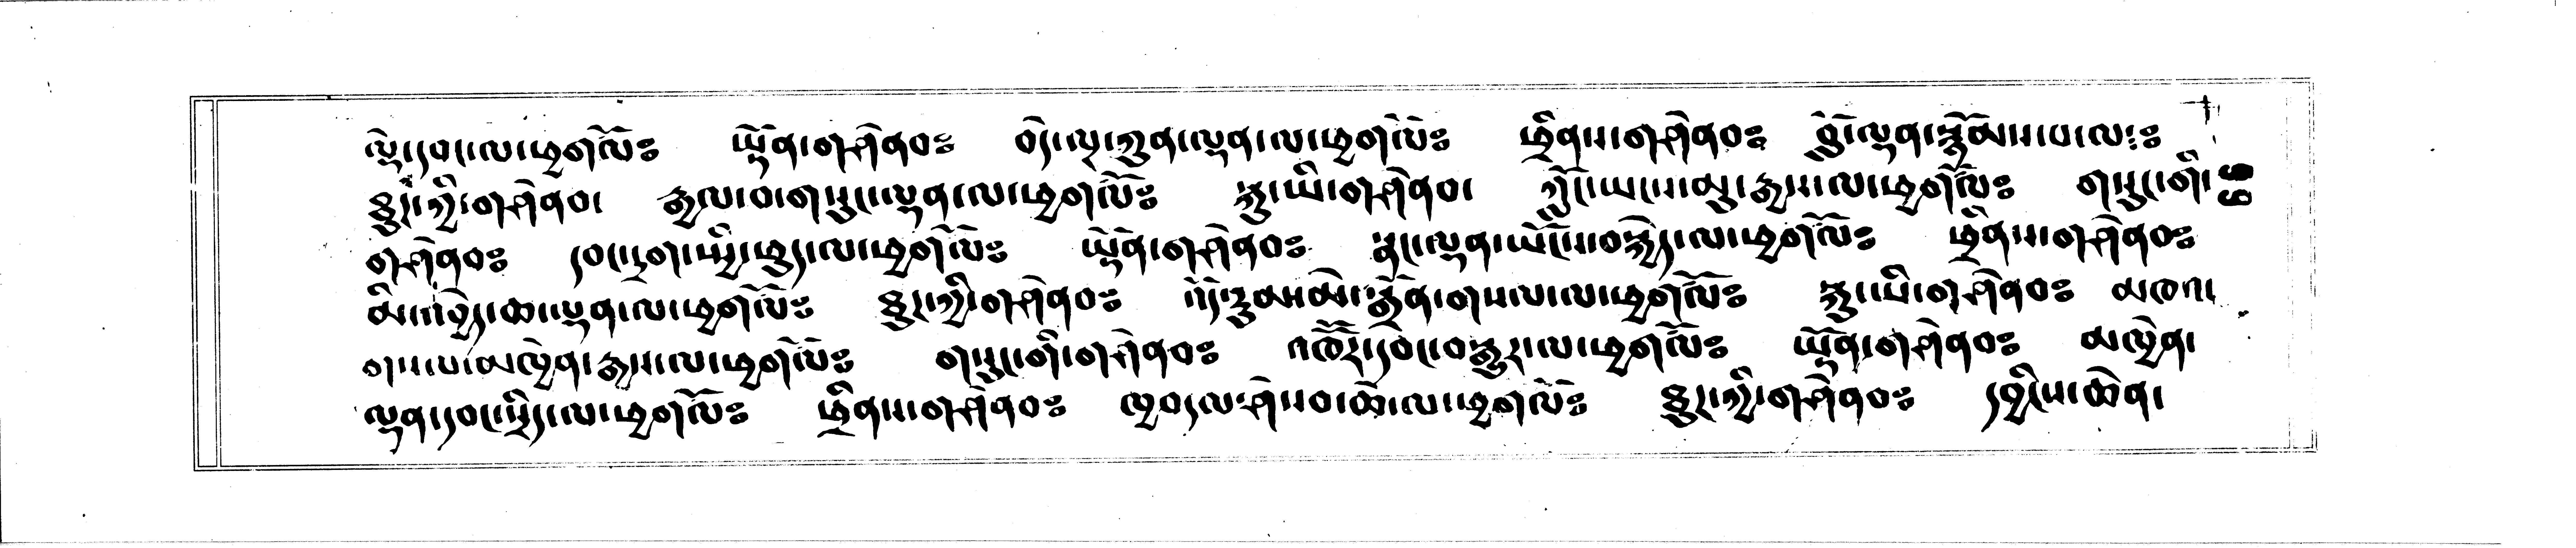ལྡེ་དབང་ལ་ཕྱག་འཚལ་ལོཿ ཡོན་ཏན་གྱི་གཤེན་རབཿ བདེ་ལྔ་ཀུན་ལྡན་ལ་ཕྱག་འཚལ་ལོཿ ཕྲིན་ལས་ཀྱི་གཤེན་རབཿ བློ་ལྡན་སྙོམས་པ་ལ་ཕྱག་འཚལ་ལོཿ
 ཐུགས་ཀྱི་གཤེན་རབཿ རྒྱལ་བ་གསུང་དང་ལྡན་ལ་ཕྱག་འཚལ་ལོཿ སྐུ་ཡི་གཤེན་རབཿ ཀློང་ཡངས་མུ་རྒྱས་ལ་ཕྱག་འཚལ་ལོཿ གསུང་གི་
གཤེན་རབཿ དབང་དྲག་སྤྱི་ཕུད་ལ་ཕྱག་འཚལ་ལོཿ ཡོན་ཏན་གྱི་གཤེན་རབཿ སྣང་ལྡན་ཡོངས་སྐྱེད་ལ་ཕྱག་འཚལ་ལོཿ ཕྲིན་ལས་ཀྱི་གཤེན་རབཿ 
མི་འབྱེད་ཆ་ལྡན་ལ་ཕྱག་འཚལ་ལོཿ ཐུགས་ཀྱི་གཤེན་རབཿ འོད་རུམ་མེ་སྒྲོན་གསལ་ལ་ཕྱག་འཚལ་ལོཿ སྐུ་ཡི་གཤེན་རབཿ མཁའ་
གསལ་མཁྱེན་རྒྱས་ལ་ཕྱག་འཚལ་ལོཿ གསུང་གི་གཤེན་རབ་ལཿ འཁོར་ལོ་དབང་སྒྱུར་ལ་ཕྱག་འཚལ་ལོཿ ཡོན་ཏན་གྱི་གཤེན་རབཿ མཁྱེན་
ལྡན་དང་སྲིད་ལ་ཕྱག་འཚལ་ལོཿ ཕྲིན་ལས་ཀྱི་གཤེན་རབཿ ཁྱབ་བདལ་ཤེས་རབ་ཆེ་ལ་ཕྱག་འཚལ་ལོཿ ཐུགས་ཀྱི་གཤེན་རབཿ དབྱིངས་ཆེན་